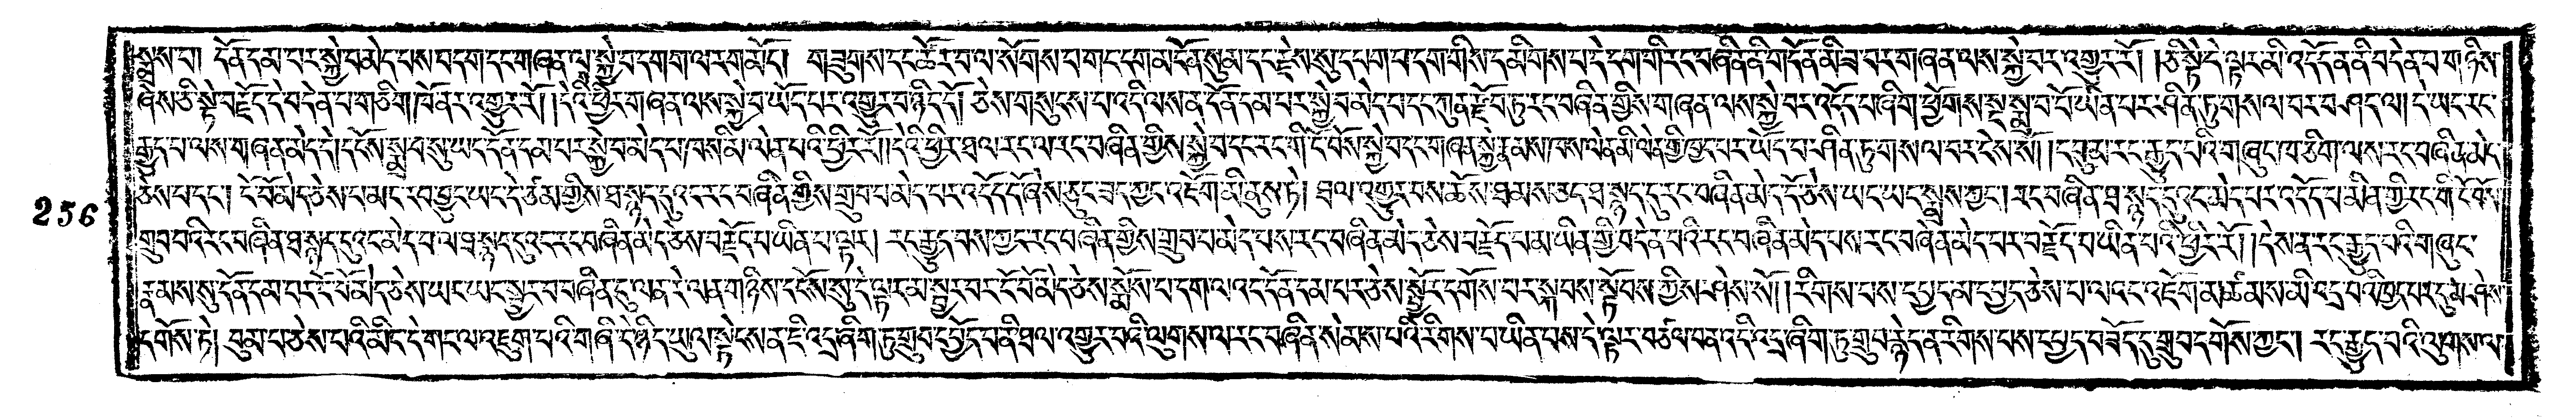སྨྲས་བ། དོན་དམ་བར་སྐྱེ་བ་མེད་པས་བདག་དང་གཞན་ལ་སྐྱེ་བ་དགག་ལ་རག་མོད། གཟུགས་དང་ཚོར་བ་ལ་སོགས་པ་གང་དག་མངོན་སུམ་དང་རྗེས་སུ་དཔག་པ་དག་གིས་དམིགས་བདེ་དག་གི་རང་བཞིན་ནི་གདོན་མི་ཟ་བར་གཞན་ལས་སྐྱེ་བར་འགྱུར་རོ། །ཅི་སྟེ་དེ་ལྟར་མི་འདོད་ན་ནི་བདེན་པ་གཉིས་
ཞེས་ཅི་སྟེ་བརྗོད་དེ་བདེན་པ་གཅིག་ཁོ་ནར་འགྱུར་རོ། །དེའི་ཕྱིར་གཞན་ལས་སྐྱེ་བ་ཡོད་པར་འགྱུར་བ་ཉིད་དོ། ཅེས་གསུངས་པ་འདི་ལས་ན་དོན་དམ་པར་སྐྱེ་བ་མེད་པ་དང་ཀུན་རྫོབ་ཏུ་རང་བཞིན་གྱིས་གཞན་ལས་སྐྱེ་བར་འདོད་པ་ཞིག་ཕྱོགས་སྔ་སྨྲ་བ་བོ་ཡིན་པར་ཤིན་ཏུ་གསལ་བར་བཤད་ལ། ད་ཡང་རང་
རྒྱུད་པ་ལས་གཞན་མེད་དེ། དངོས་སྨྲ་བ་སུ་ཡང་དོན་དམ་པར་སྐྱེ་བ་མེད་པ་ཁས་མི་ལེན་པའི་ཕྱིར་རོ། །དེའི་ཕྱིར་ཐལ་རང་ལ་རང་བཞིན་གྱིས་སྐྱེ་བ་དང་རང་གི་ངོ་བོས་སྐྱེ་བ་དང་གཞན་སྐྱེ་རྣམས་ཁ་ལེན་མི་ལེན་གྱི་ཁྱད་པར་ཡོད་བ་ཤིན་ཏུ་གསལ་བར་ངེས་སོ། །དབུ་མ་རང་རྒྱུད་པའི་གཞུང་ཁ་ཅིག་པས་རང་བཞིན་མེད་
ཅེས་པ་དང་། ངོ་བོ་མེད་ཅེས་པ་མང་རབ་བྱུང་ཡང་དེ་ཙམ་གྱིས་ཐ་སྙད་དུའང་རང་བཞིན་གྱིས་གྲུབ་པ་མེད་པར་འདོད་དོ་ཞེས་ཅུང་ཟད་ཀྱང་འཇོག་མི་ནུས་ཏེ། ཐལ་འགྱུར་བས་ཆོས་ཐམས་ཅད་ཐ་སྙད་དུ་རང་བཞིན་མེད་དོ་ཅེས་ཡང་ཡང་སྨྲས་ཀྱང་། རང་བཞིན་ཐ་སྙད་དུའང་མེད་པར་འདོད་པ་མིན་གྱི་རང་གི་ངོ་པོས་
གྲུབ་བའི་རང་བཞིན་ཐ་སྙད་དུའང་མེད་པ་ལ་ཐ་སྙད་དུའང་རང་བཞིན་མེད་ཅེས་བརྗོད་པ་ཡིན་པ་ལྟར། རང་རྒྱུད་པས་ཀྱང་བཞིན་གྱིས་གྲུབ་པ་མེད་པས་རང་བཞིན་མེད་ཅེས་བརྗོད་པ་མ་ཡིན་གྱི་བདེན་པའི་རང་བཞིན་མེད་པས་རང་བཞིན་མེད་པར་བརྗོད་པ་ཡིན་པའི་ཕྱིར་རོ། །དེས་ན་རང་རྒྱུད་པའི་གཞུང་
རྣམས་སུ་དོན་དམ་པར་ངོ་བོ་མེད་ཅེས་ཡང་ཡང་སྦྱར་བ་བཞིན་དུ་ལན་རེ་ལན་གཉིས་དངོས་སུ་དེ་ལྟར་མ་སྦྱར་བར་ངོ་བོ་མེད་ཅེས་སྨོས་པ་དག་ལའང་དོན་དམ་བར་ཅེས་སྦྱོར་དགོས་པར་སྐབས་སྟོབས་ཀྱིས་ཤེས་སོ། །རིགས་པས་དཔྱད་མ་དབྱད་ཅེས་པ་ལའང་འཇོག་མཚམས་མི་འདྲ་བའི་ཁྱད་པར་དུ་མ་ཤེས་
དགོས་ཏེ། བུམ་པ་ཅེས་པའི་མིང་དེ་གང་ལ་འཇུག་བའི་གཞི་དེ་ཉིད་ཡུལ་སྟེངས་ན་ཇི་འདྲ་ཞིག་ཏུ་གྲུབ་དཔྱོད་པ་ནི་ཐལ་འགྱུར་བའི་ལུགས་ལ་རང་བཞིན་སེམས་པའི་རིགས་བ་ཡིན་པས་དེ་ལྟར་བཙལ་བ་ན་འདི་འདྲ་ཞིག་ཏུ་གྲུབ་རྙེད་ན་རིགས་པས་དཔྱད་བཟོད་དུ་གྲུབ་དགོས་ཀྱང་། རང་རྒྱུད་བའི་ལུགས་ལ་